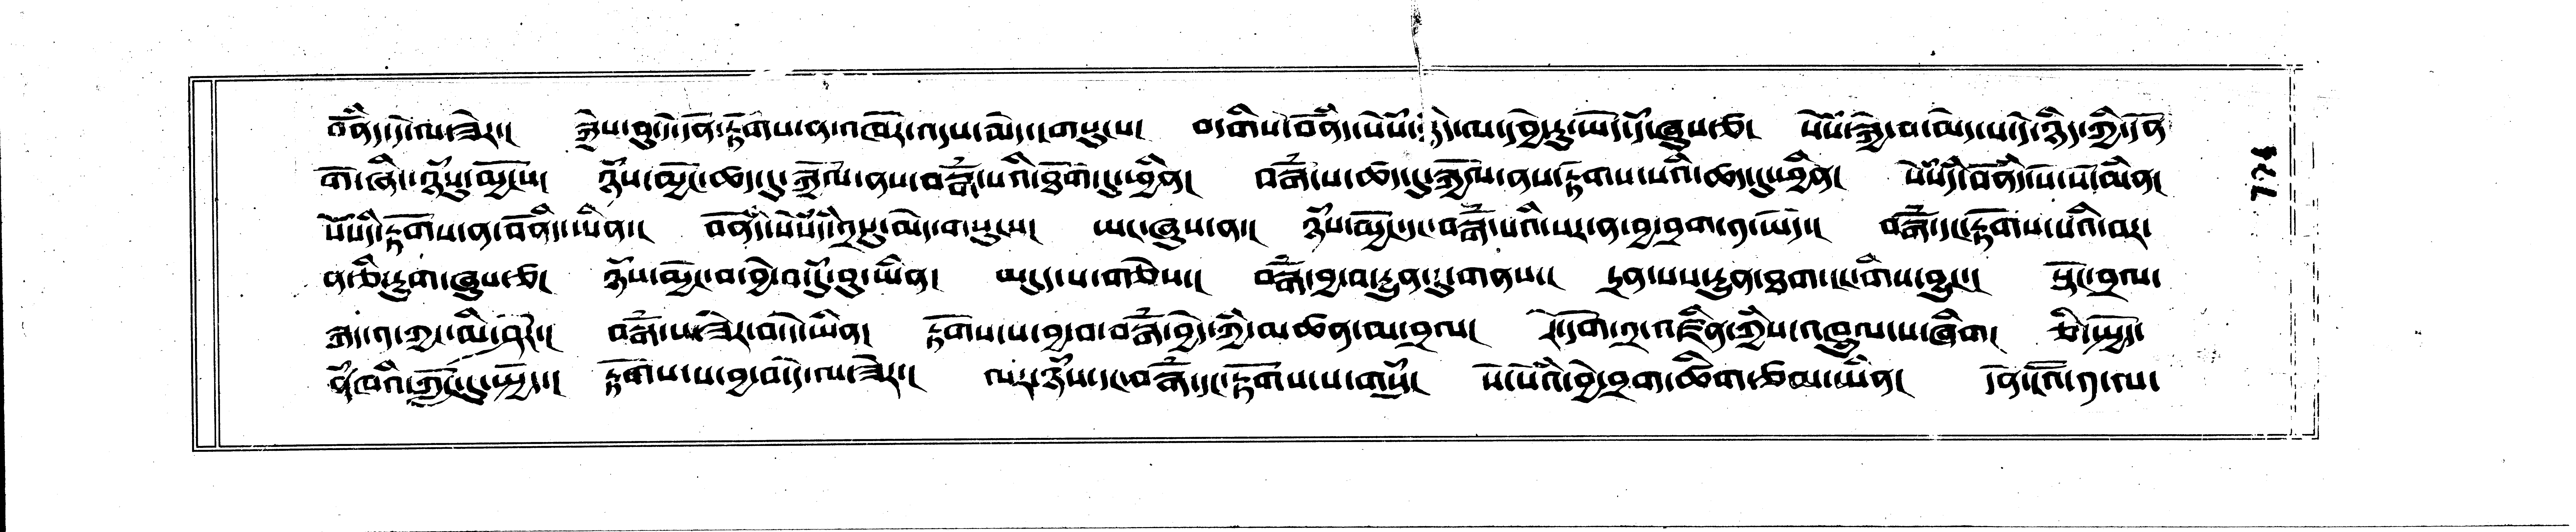བོན་ཉིད་དེ་ལ་ཟེར། །སྐྱེས་བུ་དེ་དོན་རྟོགས་ན་འཁོར་འདས་མེད་གསུངས། བདག་གིས་བོན་ཉིད་སེམས་ཉིད་ལ་དབྱེ་རུ་ཡོད་དམ་ཞུས་ཙ། སེམས་སྐྱེ་བ་མེད་པ་དེ་ཉིད་ཀྱི་དོན་
གོ་ཞིང་ཉམས་སུ་མྱོང། ཉམས་མྱོང་ཚད་དུ་སྐྱོལ་ནས་སྒོམ་པའི་ཐོག་དུ་ཕྱིན། སྒོམ་པ་ཚད་དུ་སྐྱོལ་ནས་རྟོགས་པའི་ཚད་དུ་ཕྱིན། སེམས་ཉིད་བོན་ཉིད་སོ་སོ་མིན། 
སེམས་ཉིད་རྟོགས་ན་བོན་ཉིད་ཡིན། བོན་ཉིད་སེམས་ཉིད་གཉིས་སུ་མེད་གསུངས། ཡང་ཞུས་ནས། ཉམས་མྱོང་དང་སྒོམ་པའི་སར་ན་བྱེ་བྲག་ཅིག་ཡོད། སྒོམ་དང་རྟོགས་པའི་བར་
ན་ཅི་རྒྱུག་ཞུས་ཙ། ཉམས་མྱོང་བ་བྱེ་བ་དུམ་བུ་ཡིན། མདུད་པ་གཅེས། སྒོམ་བྱ་བ་རྒྱུན་དུ་གནས། དྲན་པའི་རྒྱུན་ཐག་ངང་གིས་བྱུང་། སྟོང་བྲལ་
སྐད་ཅིག་ཀྱང་མི་ཤོར། སྒོམ་པ་ཟེར་བ་དེ་ཡིན། རྟོགས་པ་བྱ་བ་སྒོམ་བྱེད་ཀྱི་མཚན་མ་བྲལ། རེ་དོགས་གཉིས་འཛིན་གྱི་འཁྲུལ་པ་ཞིག ཅི་སྤྱོད་
ནམ་མཁའི་ཀློང་དུ་སྤྱོད། རྟོགས་པ་བྱ་བ་དེ་ལ་ཟེར། ལར་ཉམས་དང་སྒོམ་དང་རྟོགས་པ་གསུམ། སོ་སོའི་བྱེ་བྲག་ཚིག་ཙམ་ཡིན། དོན་ངོའོ་གཅིག་ལ་